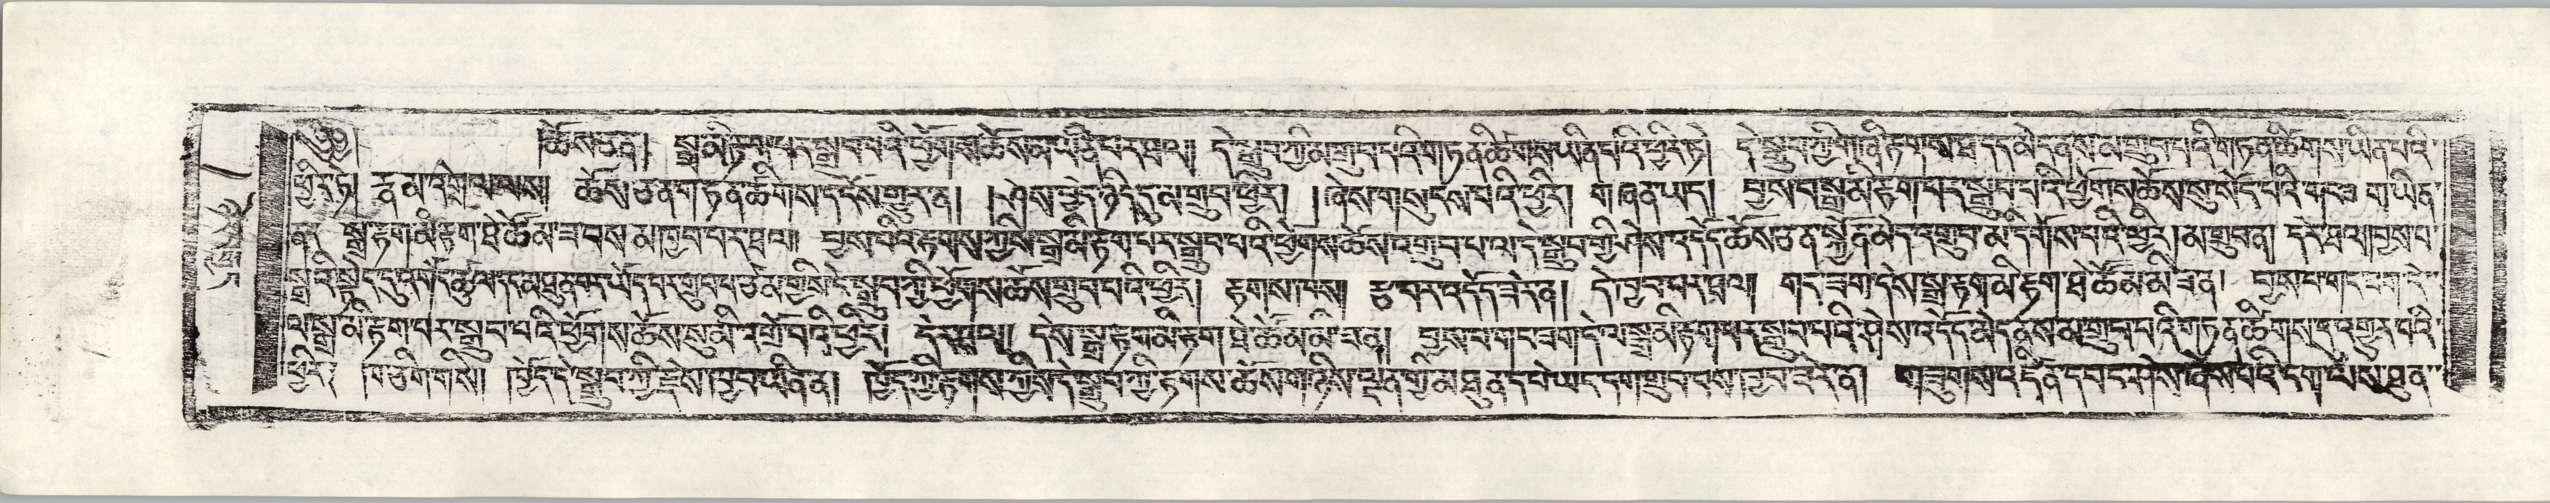༄༅། །ཆོས་ཅན། སྒྲ་མི་རྟག་པར་སྒྲུབ་པའི་ཕྱོགས་ཆོས་མ་ཡིན་པར་ཐལ། དེ་སྒྲུབ་ཀྱི་མ་གྲུབ་པའི་གཏན་ཚིགས་ཡིན་པའི་ཕྱིར་ཏེ། དེ་སྒྲུབ་ཀྱི་གཞི་རྟགས་ཐ་དད་མེད་ནས་མ་གྲུབ་པའི་གཏན་ཚིགས་ཡིན་པའི་
ཕྱིར་ཏེ། རྣམ་འགྲེལ་ལས། ཆོས་ཅན་གཏན་ཚིགས་དངོས་གྱུར་ན། །ཤེས་བྱེད་ཉིད་དུ་མ་གྲུབ་ཕྱིར། །ཞེས་གསུངས་པའི་ཕྱིར། གཞན་ཡང་། བྱས་པ་སྒྲ་མི་རྟག་པར་སྒྲུབ་པའི་ཕྱོགས་ཆོས་སུ་སོང་བའི་གང་ཟག་ཡིན་
ན། སྒྲ་རྟག་མི་རྟག་ཐེ་ཚོམ་ཟ་བས་མ་ཁྱབ་པར་ཐལ། བྱས་པའི་རྟགས་ཀྱིས་སྒྲ་མི་རྟག་པར་སྒྲུབ་པའི་ཕྱོགས་ཆོས་འགྲུབ་པ་ལ་དེ་སྒྲུབ་ཀྱི་ཤེས་འདོད་ཆོས་ཅན་སྐྱོན་མེད་འགྲུབ་མི་དགོས་པའི་ཕྱིར། མ་གྲུབ་ན། དེར་ཐལ། བྱས་པ་
སྒྲའི་སྟེང་དུ་འགོད་ཚུལ་དང་མཐུན་པར་ཡོད་པར་གྲུབ་པ་ཙམ་གྱིས་དེ་སྒྲུབ་ཀྱི་ཕྱོགས་ཆོས་གྲུབ་པའི་ཕྱིར། རྟགས་ཁས། རྩ་བར་འདོད་ཟེར་ན། དེ་ཁྱབ་པར་ཐལ། གང་ཟག་དེས་སྒྲ་རྟག་མི་རྟག་ཐེ་ཚོམ་མི་ཟ་ན། བྱས་པ་གང་ཟག་དེ་
ལ་སྒྲ་མི་རྟག་པར་སྒྲུབ་པའི་ཕྱོགས་ཆོས་སུ་མི་འགྲོ་བའི་ཕྱིར། དེར་ཐལ། དེས་སྒྲ་རྟག་མི་རྟག་ཐེ་ཚོམ་མི་ཟ་ན། བྱས་པ་གང་ཟག་དེ་ལ་སྒྲ་མི་རྟག་པར་སྒྲུབ་པའི་ཤེས་འདོད་མེད་ནས་མ་གྲུབ་པའི་གཏན་ཚིགས་སུ་འགྱུར་བའི་
ཕྱིར། ཁ་ཅིག་གིས། ཁྱོད་དེ་སྒྲུབ་ཀྱི་རྗེས་ཁྱབ་ཡིན་ན། ཁྱོད་ཀྱི་རྟགས་ཀྱིས་དེ་སྒྲུབ་ཀྱི་རྟགས་ཆོས་གཉིས་ལྡན་གྱི་མཐུན་དཔེ་ཡང་དག་གྲུབ་པས་ཁྱབ་ཟེར་ན། གཟུགས་འཛིན་དབང་ཤེས་ཞེས་པའི་ངག་ལས་ཐུན་